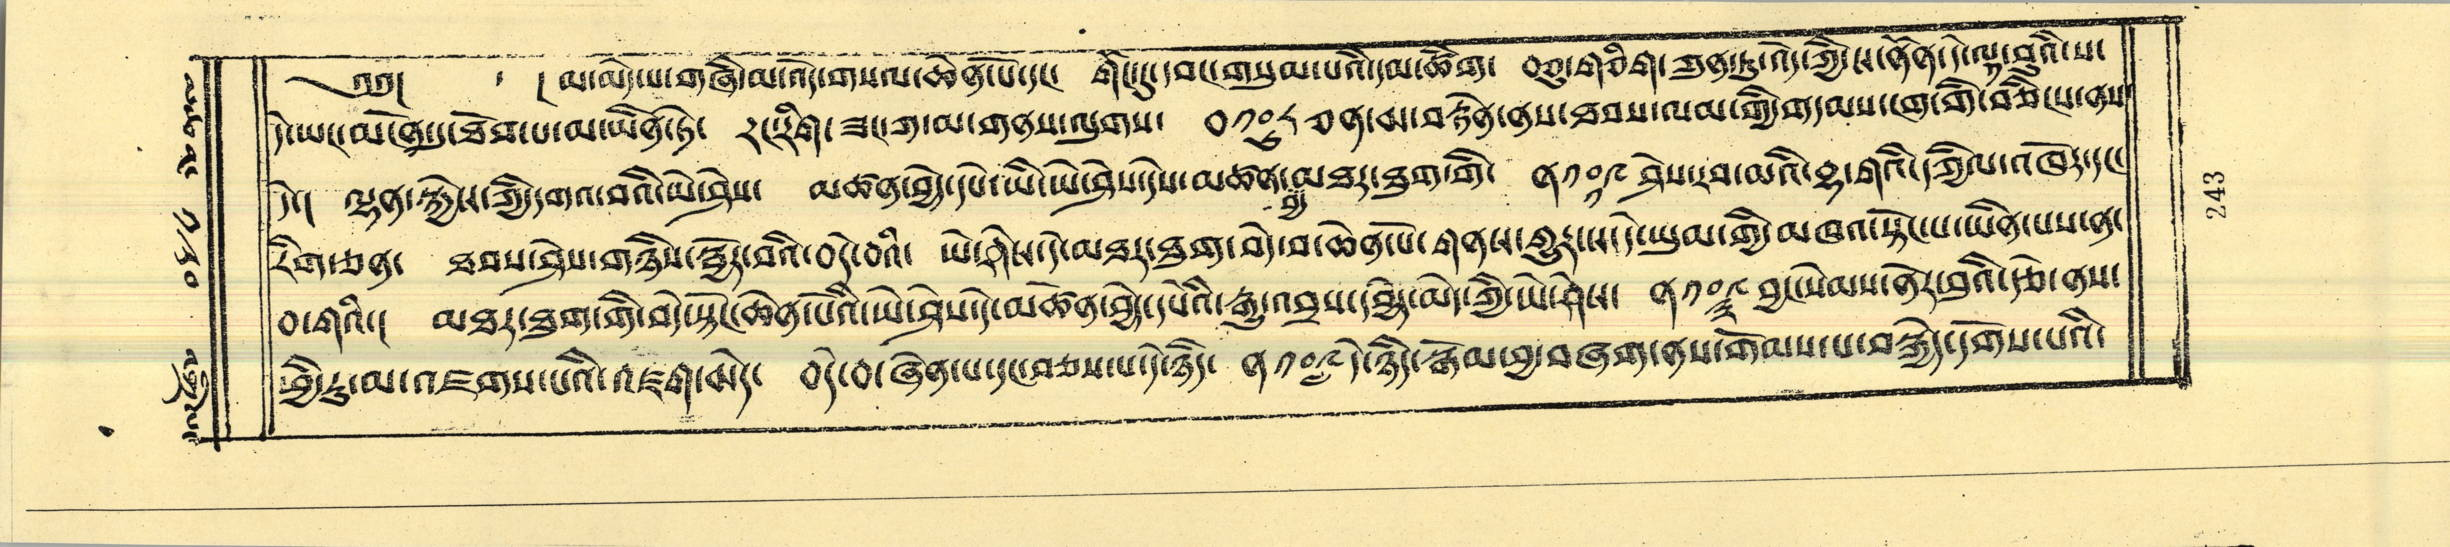མ་མེད་པ་གཞི་མ་འོད་གསལ་ཆེན་པོ་དང། གོང་དུ་དབང་གསུམ་པའི་དམ་ཚིག་ བཅུ་གཅིག་ཀུན་ཏུ་འོད་ཀྱི་ས་ནོན་དེ་ལྟ་བུའི་ས་
དེ་ཡང་མངོན་དུ་ཐོབ་པ་མ་ཡིན་ཏེ། རང་རིག་ཟང་ཀ་མ་གནས་ལུགས་ བ༡༠༨།༦ ཅན་མ་བརྟེན་ནས་ཐབས་ལམ་གྱི་གདམས་ངག་གི་བཅིངས་ནས་
དེ། ལྷན་སྐྱེས་ཀྱི་དགའ་བའི་ཡེ་ཤེས། མཚན་བྱེད་དཔེ་ཡི་ཡེ་ཤེས་དེས་མཚན་བྱ་མཐར་ཐུག་གི་ ན༡༠༩།༡ ཤེས་རབ་མའི་ བྷ་གའི་དཀྱིལ་འཁོར་དང་
རིག་ཅན། ཐབས་ཤེས་གཉིས་སྦྱོར་བའི་བདེ་བའི་ ཡེ་ཤེས་དེ་མཐར་ཐུག་བདེ་བ་ཆེན་པོ་གནས་གྱུར་ས་དེ་ཡུམ་གྱི་མཁའ་སྟོང་པ་ཡིན་པས་ན་ 
བ་གའི་ མཐར་ཐུག་གི་བདེ་སྟོང་ཆེན་པོའི་ཡེ་ཤེས་དེ་མཚོན་བྱེད་དཔེའི་རྒྱུ་འབྲས་དབྱེར་མེད་ཀྱི་ཡེ་ཤེས་ ན༡༠༩།༣ བྱང་སེམས་ནོར་བུའི་རྩེ་ནས་
ཕྱི་རུ་མ་འཛགས་པའི་འཛག་མེད་ བདེ་བ་ཞེན་པ་དང་བཅས་པ་དེ་ཉིད། ན༡༠༩།༤ དེ་ཉིད་སྒོམ་བྱ་བཞག་ནས་གོམས་པ་བསྐྱེད་དགོས་པའི